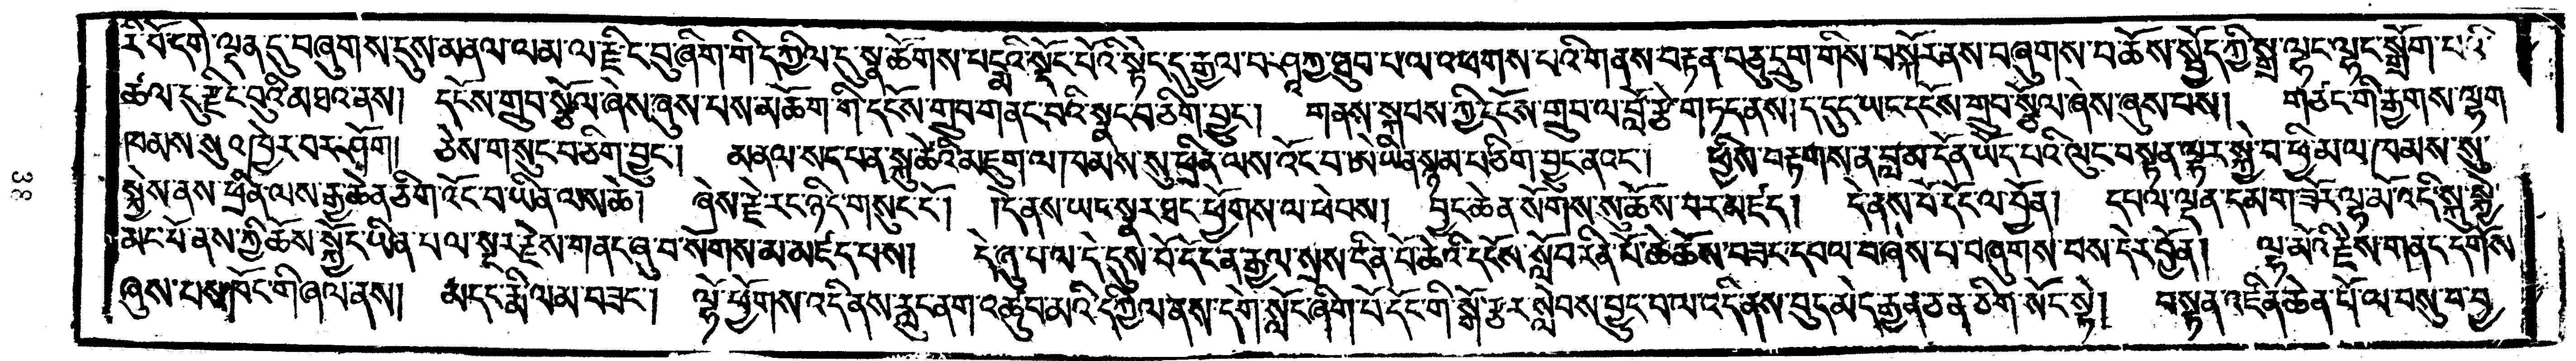རི་བོ་དགེ་ལྡན་དུ་བཞུགས་དུས་མནལ་ལམ་ལ་རྫིང་བུ་ཞིག་གི་དཀྱིལ་དུ་སྣ་ཚོགས་པདམའི་སྡོང་པོའི་སྟེང་དུ་རྒྱལ་བ་ཤཱཀྱ་ཐུབ་པ་ལ་འཕགས་པའི་གནས་བརྟན་བཅུ་དྲུག་གིས་བསྐོར་ནས་བཞུགས་པ་ཆོས་སྤྱོད་ཀྱི་སྒྲ་ལྷང་ལྷང་སྒྲོག་པའི་
ཚལ་དུ་རྫིང་བུའི་མཐའ་ནས། དངོས་གྲུབ་སྩོལ་ཞེས་ཞུས་པས་མཆོག་གི་དངོས་གྲུབ་གནང་བའི་སྣང་བ་ཅིག་བྱུང་། གནས་སྐབས་ཀྱི་དངོས་གྲུབ་ལ་བློ་རྩེ་གཏད་ནས། ད་དུང་ཡང་དངོས་གྲུབ་སྩོལ་ཞེས་ཞུས་པས། གཙང་གི་རྒྱགས་ལྷག་
ཁམས་སུ་འཁྱེར་བར་ཤོག། ཅེས་གསུང་བ་ཅིག་བྱུང་། མནལ་སད་པ་ན་སྐུ་ཚེའི་འཇུག་ལ་ཁམས་སུ་ཕྲིན་ལས་འོང་བ་ཨེ་ཡིན་སྙམ་པ་ཅིག་བྱུང་ནའང་། ཕྱིས་བརྟགས་ན་བླ་མ་དོན་ཡོད་པའི་ལུང་བསྟན་ལྷར་སྐྱེ་བ་ཕྱི་མལ་ཁམས་སུ་
སྐྱེས་ནས་ཕྲིན་ལས་རྒྱ་ཆེན་ཅིག་འོང་བ་ཡིན་ལས་ཆེ། ཞེས་རྗེ་རང་ཉིད་གསུང་ངོ། །དེ་ནས་ཡང་སྣར་ཐང་ཕྱོགས་ལ་ཕེབས། བྱང་ཆེན་སོགས་སུ་ཆོས་བར་མཛད། དེ་ནས་བོ་དོང་ལ་བྱོན། དཔལ་ལྡན་དམག་ཟོར་ལྷ་མོ་འདི་སྐུ་སྐྱེ་
མང་པོ་ནས་ཀྱི་ཆོས་སྐྱོང་ཡིན་པ་ལ་སྔར་རྗེས་གནང་ཞུ་བ་སོགས་མ་མཛད་པས། དེ་ཞུ་བ་ལ་དེ་དུས་བོ་དོང་ན་རྒྱལ་སྲས་དིན་པོ་ཆེའི་དངོས་སློབ་རིན་པོ་ཆེ་ཆོས་བཟང་དཔལ་བ་ཞེས་པ་བཞུགས་པས་དེར་བྱོན། ལྷ་མོའི་རྗེས་གནང་དགོས་
ཞུས་པས་ཁོང་གི་ཞལ་ནས། མདང་རྨི་ལམ་བཟང་། ལྷོ་ཕྱོགས་འདི་ནས་རླུང་ནག་འཚུབ་མའི་དཀྱིལ་ནས་དགེ་སློང་ཞིག་པོ་དོང་གི་སྒོ་རྩར་སླེབས་བྱུང་བ་ལ་འདི་ནས་བུད་མེད་རྒྱན་ཅན་ཅིག་སོང་སྟེ། བསྟན་འཛིན་ཆེན་པོ་ལ་བསུ་བ་བྱ་